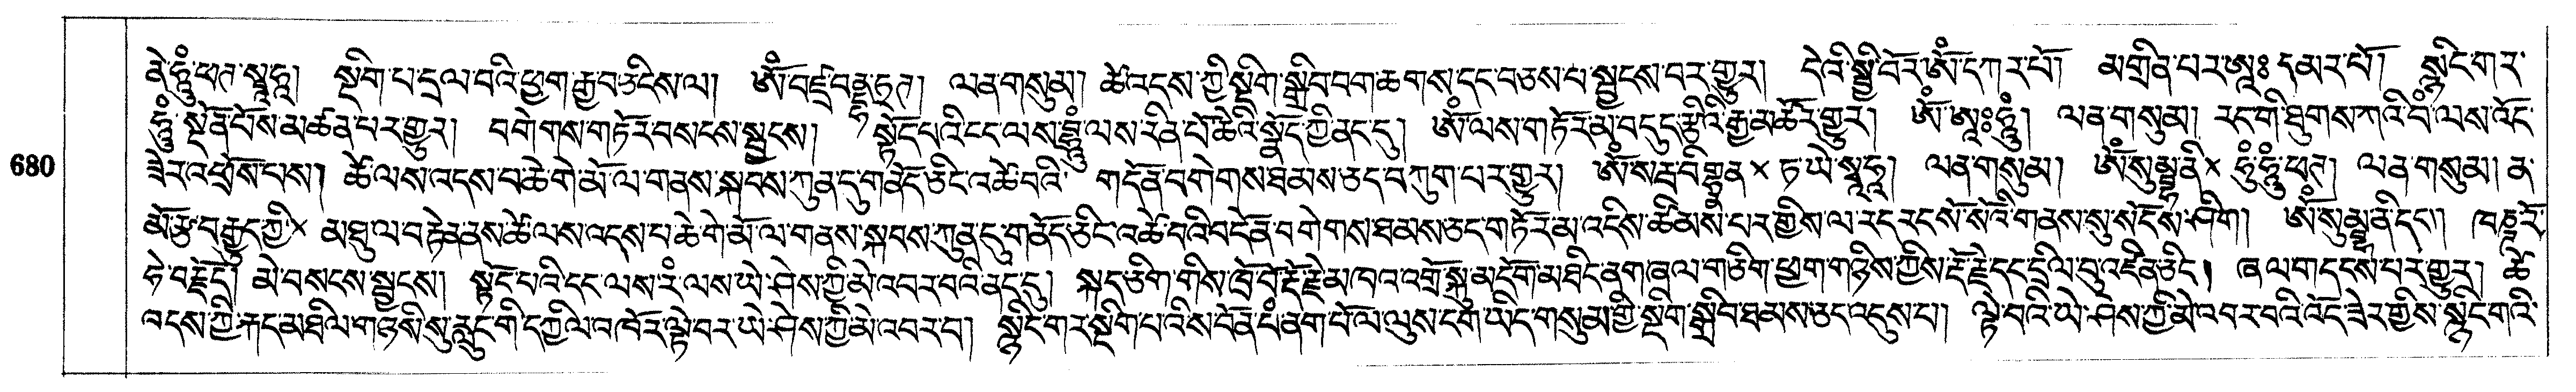ནེ་ཧཱུཾ་ཕཊ་སྦཱ་ཧཱ། སྡིག་པ་དྲལ་བའི་ཕྱག་རྒྱ་བཅིངས་ལ། ཨོཾ་བཛྲ་བནྡྷ་ཏྲ་ཊ། ལན་གསུམ། ཚེ་འདས་ཀྱི་སྡིག་སྒྲིབ་བག་ཆགས་དང་བཅས་པ་སྦྱངས་བར་གྱུར། དེའི་སྤྱི་བོར་ཨོཾ་དཀར་པོ། མགྲིན་པར་ཨཱཿ དམར་པོ། སྙིང་གར་
ཧཱུཾ་སྔོན་པོས་མཚན་པར་གྱུར། བགེགས་གཏོར་བསངས་སྦྱངས། སྟོང་པའི་ངང་ལས་བྷྲཱུཾ་ལས་རིན་པོ་ཆེའི་སྣོད་ཀྱི་ནང་དུ། ཨོཾ་ལས་གཏོར་མ་བདུད་རྩིའི་རྒྱ་མཚོར་གྱུར། ཨོཾ་ཨཱཿ ཧཱུཾ། ལན་གསུམ། རང་གི་ཐུགས་ཀའི་བཾ་ལས་འོད་
ཟེར་འཕྲོས་པས། ཚེ་ལས་འདས་པ་ཆེ་གེ་མོ་ལ་གནས་སྐབས་ཀུན་དུ་གནོད་ཅིང་འཚེ་བའི། གདོན་བགེགས་ཐམས་ཅད་བཀུག་པར་གྱུར། ཨོཾ་སརྦ་བི་གྷྣན྾་ཏ་ཡེ་སྭཱ་ཧཱ། ལན་གསུམ། ཨོཾ་སུམྦྷ་ནི྾་ཧཱུཾ་ཧཱུཾ་ཕཊ། ལན་གསུམ། ན་
མོ་རྩ་བརྒྱུད་ཀྱི྾་མཐུ་ལ་བརྟེན་ནས་ཚེ་ལས་འདས་པ་ཆེ་གེ་མོ་ལ་གནས་སྐབས་ཀུན་དུ་གནོད་ཅིང་འཚེ་བའི་བདོན་བགེགས་ཐམས་ཅད་གཏོར་མ་འདིས་ཚིམས་པར་གྱིས་ལ་རང་རང་སོ་སོའི་གནས་སུ་སོངས་ཤིག །ཨོཾ་སུམྦྷ་ནི་དང་། ཁཎྜ་རོ་
ཧེ་བརྗོད། མེ་བསངས་སྦྱངས། སྟོང་པའི་ངང་ལས་རཾ་ལས་ཡེ་ཤེས་ཀྱི་མེ་འབར་བའི་ནང་དུ། སྐད་ཅིག་གིས་ཁྲོ་བོ་རྡོ་རྗེ་མཁའ་འགྲོ་སྐུ་མདོག་མཐིང་ནག་ཞལ་གཅིག་ཕྱག་གཉིས་ཀྱིས་རྡོ་རྗེ་དང་དྲིལ་བུ་འཛིན་ཅིང་། ཞལ་གདངས་པར་གྱུར། ཚེ་
འདས་ཀྱི་རྐང་མཐིལ་གཉིས་སུ་རླུང་གི་དཀྱིལ་འཁོར་ལྟེ་བར་ཡེ་ཤེས་ཀྱི་མེ་འབར་བ། སྙིང་གར་སྡིག་པའི་ས་བོན་པཾ་ནག་པོ་ལ་ལུས་ངག་ཡིད་གསུམ་གྱི་སྡིག་སྒྲིབ་ཐམས་ཅད་འདུས་པ། ལྟེ་བའི་ཡེ་ཨཤེས་ཀྱི་མེ་འབར་བའི་འོད་ཟེར་གྱིས་སྙིང་གའི་